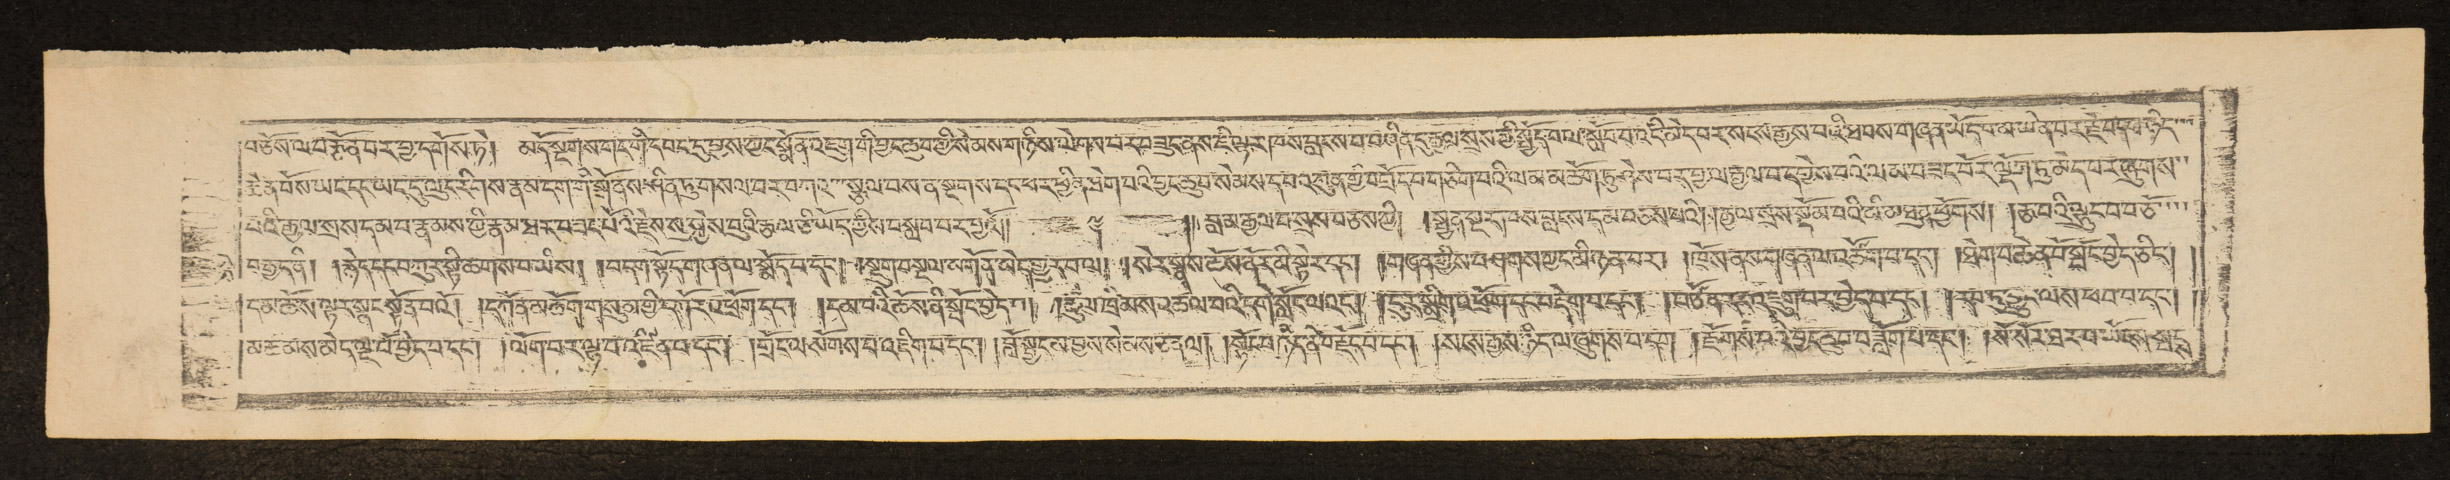བཅོས་ལ་བརྩོན་བར་བྱ་དགོས་ཏེ། མདོ་སྔགས་གང་གི་དབང་དུ་བྱས་ཀྱང་སྨོན་འཇུག་གི་བྱང་ཆུབ་ཀྱི་སེམས་གཉིས་ལེགས་པར་བཟུང་ནས་ཇི་ལྟར་ཁས་བླངས་བ་བཞིན་དུ་རྒྱལ་སྲས་ཀྱི་སྤྱོད་པ་ལ་སློབ་པ་འདི་མེད་པར་སངས་རྒྱས་པའི་ཐབས་གཞན་ཡོད་པ་མ་ཡིན་པར་རྗེ་བདག་ཉིད་
ཆེན་པོས་ཡང་དང་ཡང་དུ་ལུང་རིགས་རྣམ་དག་གི་སྒོ་ནས་ཤིན་ཏུ་གསལ་བར་བཀའ་སྩལ་བས་ན་སྔགས་དང་ཕར་ཕྱིན་ཐེག་པའི་བྱང་ཆུབ་སེམས་དཔའ་ཀུན་གྱི་བགྲོད་བ་གཅིག་པའི་ལམ་མཆོག་ཏུ་ཤེས་པར་བྱ་ལ་རྒྱལ་བ་དགྱེས་པའི་ལམ་བཟང་པོར་ལྡོག་ཏུ་མེད་པར་ཞུགས་
པའི་རྒྱལ་སྲས་དམ་པ་རྣམས་ཀྱི་རྣམ་ཐར་བཟང་པོའི་རྗེས་སུ་སྐྱེས་བུའི་རྩལ་ཅི་ཡོད་ཀྱིས་བསླབ་པར་བྱའོ།། ༈ །།བླ་མ་རྒྱལ་བ་སྲས་བཅས་ཀྱི། །སྤྱན་སྔར་ཁས་བླངས་དམ་བཅས་པའི། །རྒྱལ་སྲས་སྔོམ་པའི་མི་མཐུན་ཕྱོགས། །རྩ་བའི་ལྟུང་བ་བཅོ་
བརྒྱད་ནི། །རྙེད་དང་བཀུར་སྟི་ཆགས་པ་ཡིས། །བདག་སྟོད་གཞན་ལ་སྨོད་པ་དང་། །སྡུག་བསྔལ་མགོན་མེད་གྱུར་བ་ལ། །སེར་སྣས་ཆོས་ནོར་མི་སྟེར་དང་། །གཞན་གྱིས་བཤགས་ཀྱང་མི་ཉན་བར། །ཁྲོས་ནས་གཞན་ལ་འཚོག་པ་དང་། །ཐེག་པ་ཆེན་པོ་སྤོང་བྱེད་ཅིང་། །
དམ་ཆོས་ལྟར་སྣང་སྟོན་པའོ། །དཀོན་མཆོག་གསུམ་གྱི་དཀོར་འཕྲོག་དང་། །དམ་པའི་ཆོས་ནི་སྤོང་བྱེད་པ། །ཚུལ་ཁྲིམས་འཆལ་བའི་དགེ་སློང་ལའང་། །དུར་སྨྲིག་འཕྲོག་དང་བརྡེག་པ་དང་། །བཙོན་རར་འཇུག་པར་བྱེད་པ་དང་། །རབ་ཏུ་བྱུང་ལས་ཕབ་པ་དང་། །
མཚམས་མེད་ལྔ་བོ་བྱེད་པ་དང་། །ལོག་པར་ལྟ་བ་འཛིན་པ་དང་། །གྲོང་ལ་སོགས་པ་འཇིག་པ་དང་། །བློ་སྦྱང་མ་བྱས་སེམས་ཅན་ལ། །སྟོང་པ་ཉིད་ནི་བརྗོད་པ་དང་། །སངས་རྒྱས་ཉིད་ལ་ཞུགས་པ་དང་།རྫོགས་པའི་བྱང་ཆུབ་བཟློག་པ་དང་། །སོ་སོར་ཐར་བ་ཡོངས་སྤངས་